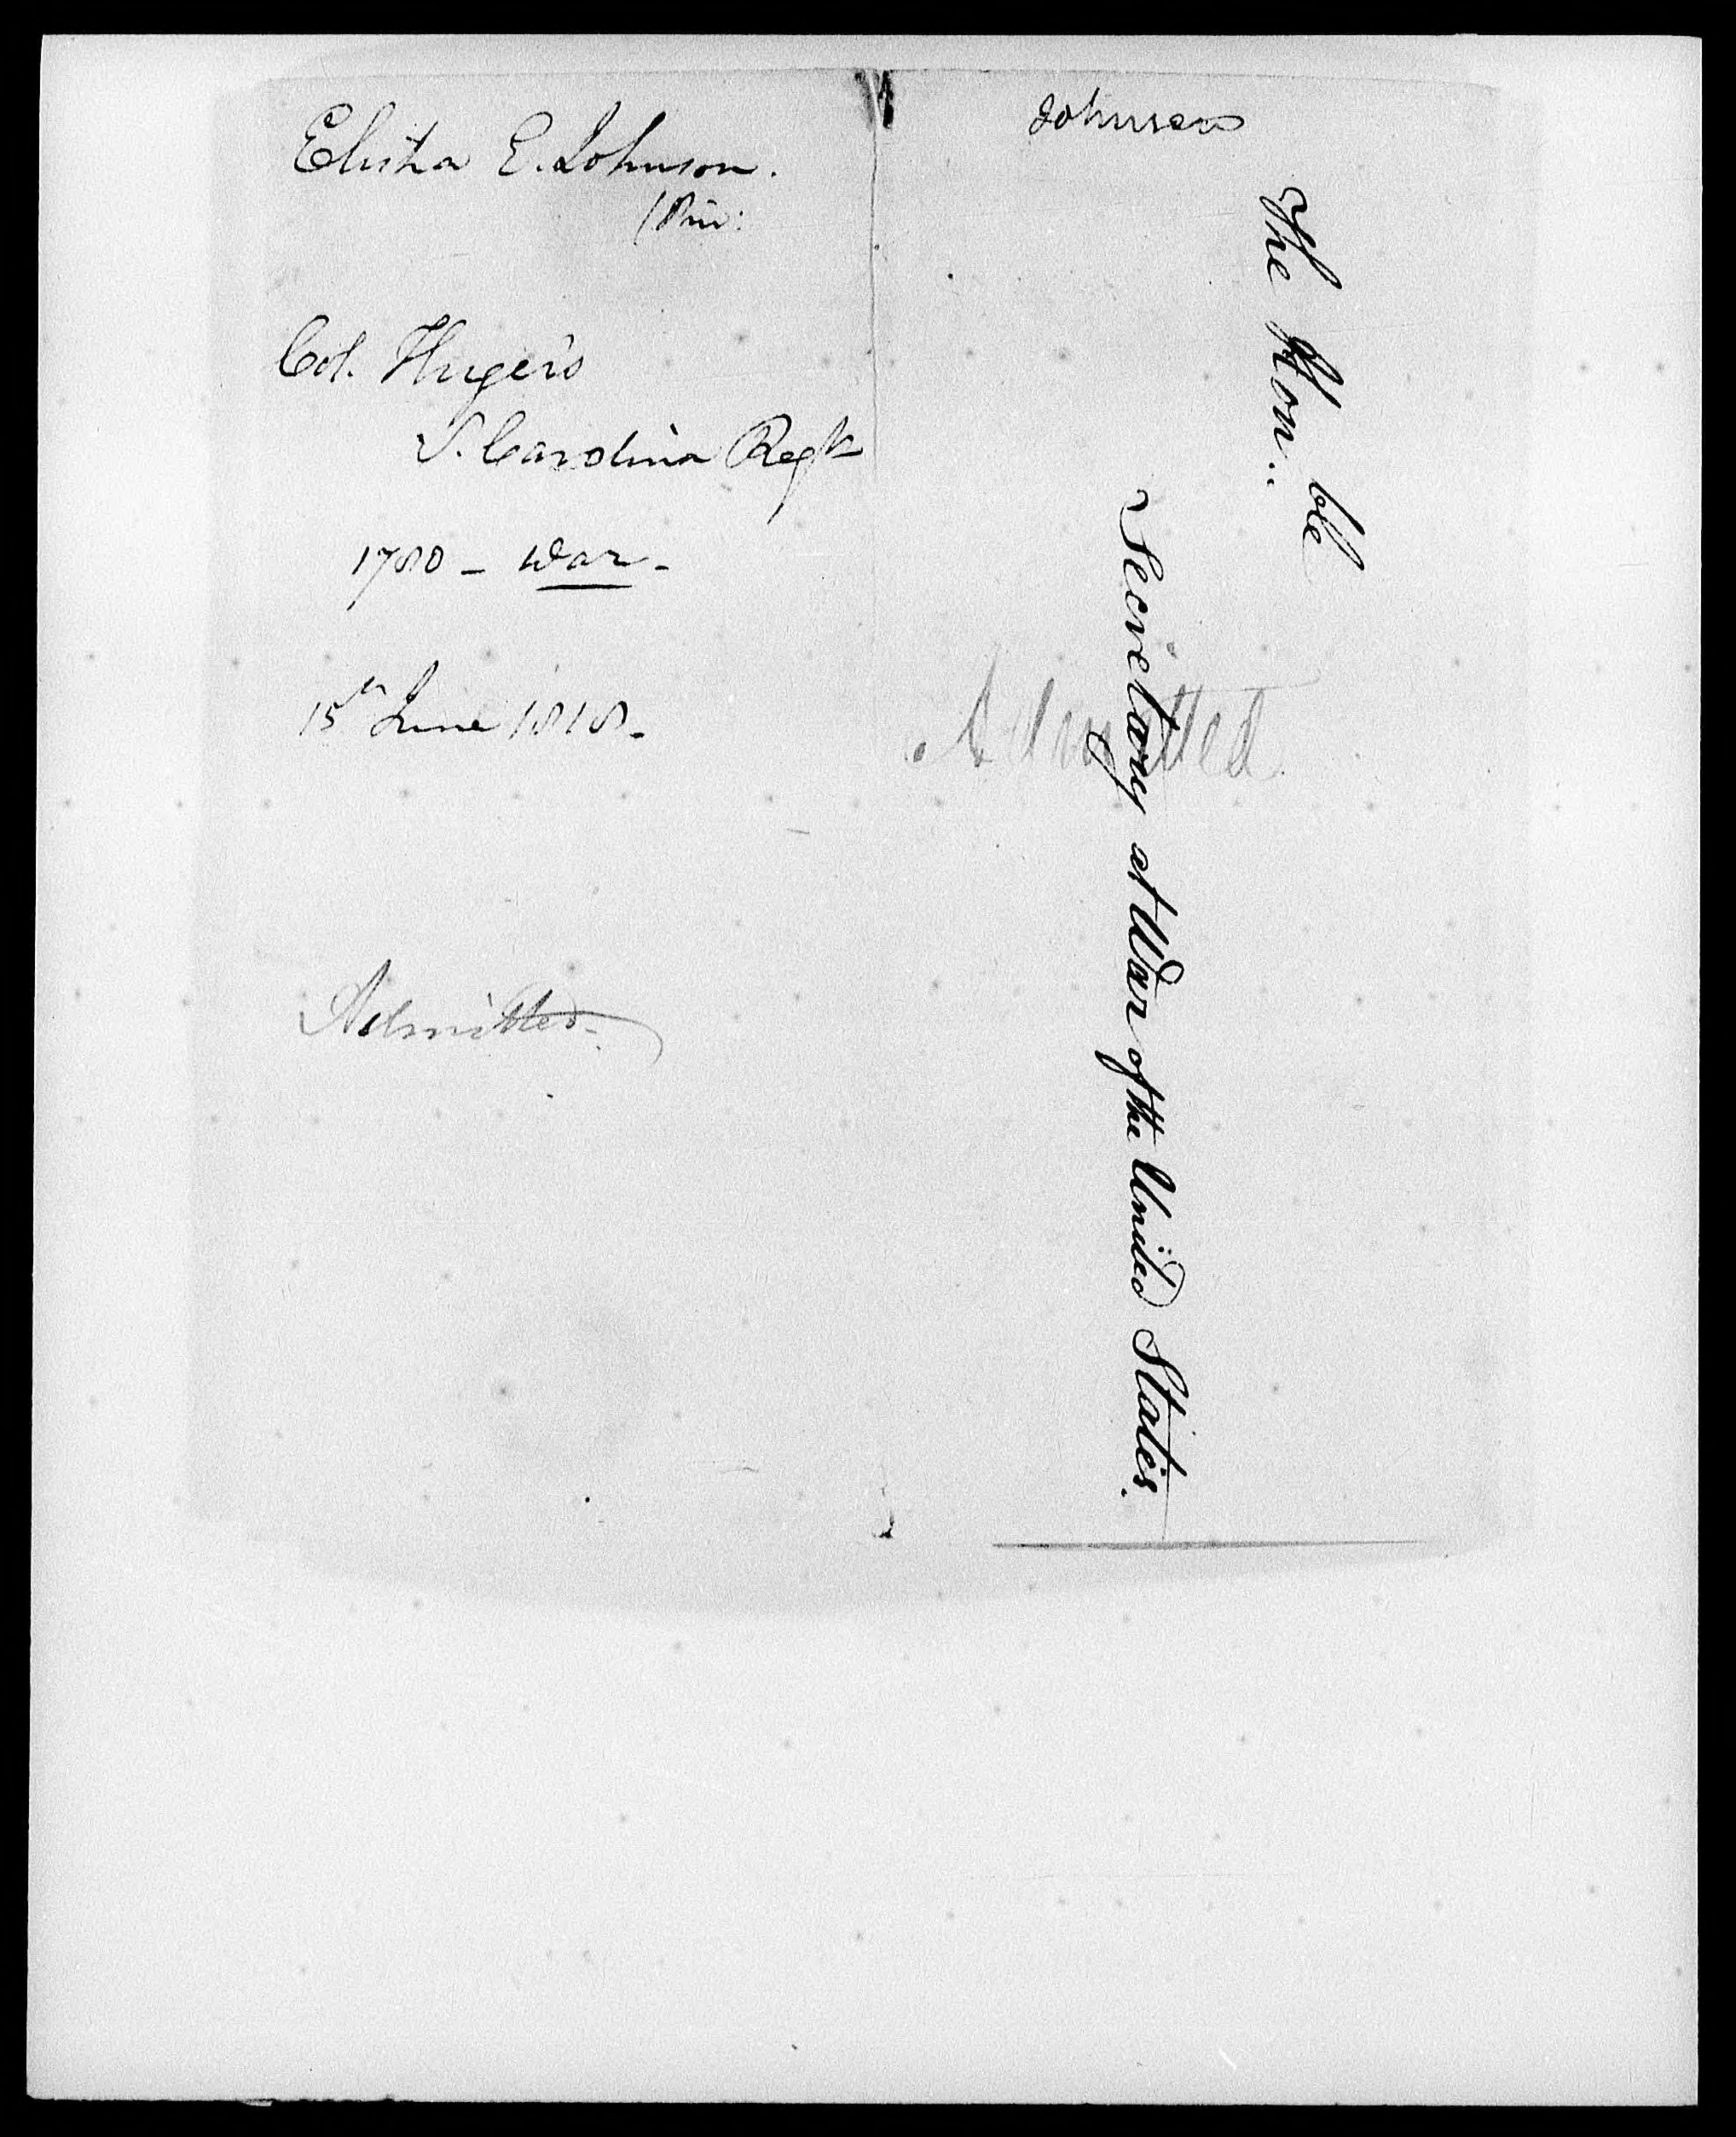Elisha E. Johnson.
18 in:

Col. Huger's
S. Carolina Regt

1780 - War -

15th June 1818 -


Admitted.


Johnson

The Hon. . ble

Secretary at War of the United States.

Admitted.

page: 8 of 9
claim: survivor's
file: S. 38885, for Elisha Edwards Johnson, South Carolina